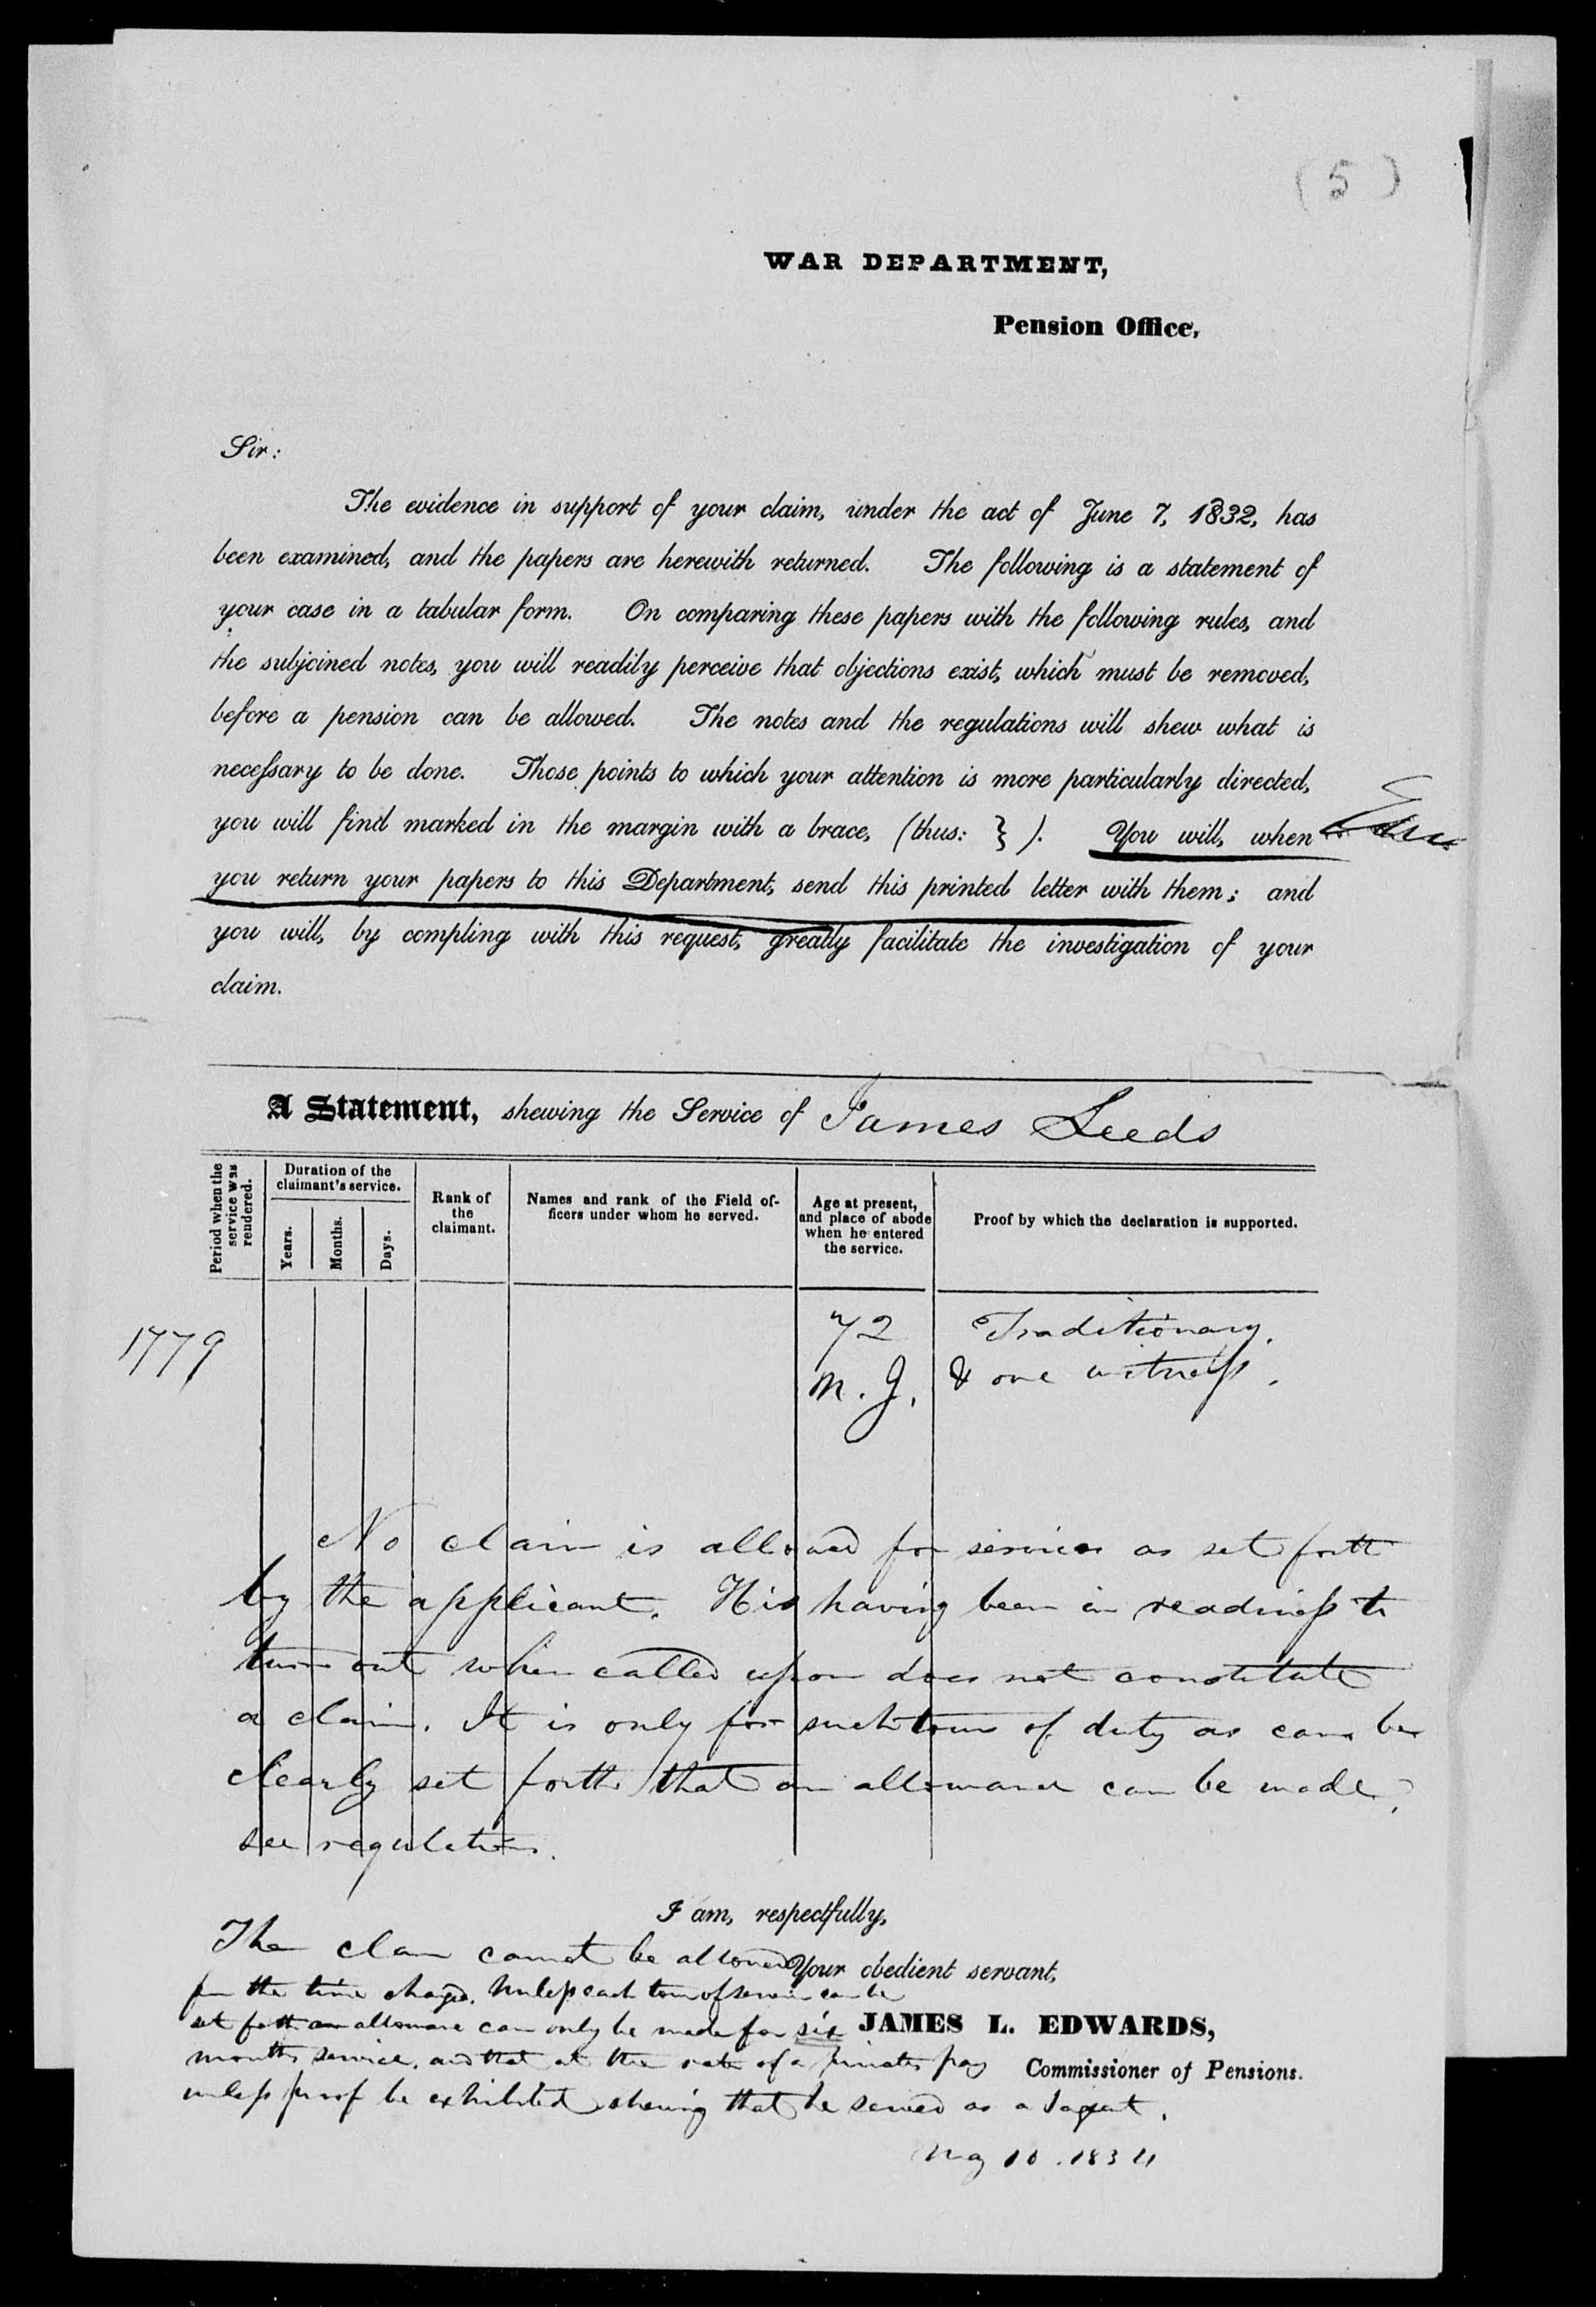[Top right page] (5)

WAR DEPARTMENT,

Pension Office, 

Sir:

The evidence in support of your claim, under the act of June 7, 1832, has been examined, and the papers are herewith returned. The following is a statement of your case in a tabular form. On company these papers with the following rules, and the subjoined notes, you will readily perceive that objections exist, which must be removed, before a pension can be allowed. The noted and the regulations will shew what is necessary to be done. Those points to which your attention is more particularly directed, you will find marked in the margin with a trace, (thus:}). [sentence underlined] You will, when you returned your papers to this Department, send this printed letter with them; and you will, by compling with this request greatly facilitate the investigation of your claim.

A STATEMENT, shewing the Service of James Leeds

Period when the service was rendered  |  
1779  |  Duration of the claimant's service.  Years  |  Months  |  Days.  |  Rank of the claimant  | Names and rank of the Field officers under whom he served.  |  Age at present, and place of abode when he entered the service.  |  72 N.J.  |  Proof by which the declaration is supported.  |  Traditionary & one witness.

No claim is allowed for services as set forth by the applicant. This having been in readiness to turn out when called upon does not constitute a claim. It is only for such tours of duty as can be clearly set forth that on allowance can be made. See regulations.

I am, respectfully,
Your obedient servant,

The claim cannot be allowed for the time charged. Unless each term of service can be set forth an allowance can only be made for six months service, and that at the rate of a privates pay unless proof be exhibited showing that he served as sergeant.

May 10. 1834

JAMES L. EDWARDS, Commissioner of Pensions.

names: James L Edwards; James Leeds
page: 11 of 38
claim: survivor's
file: S 31817, for James Leeds, New Jersey